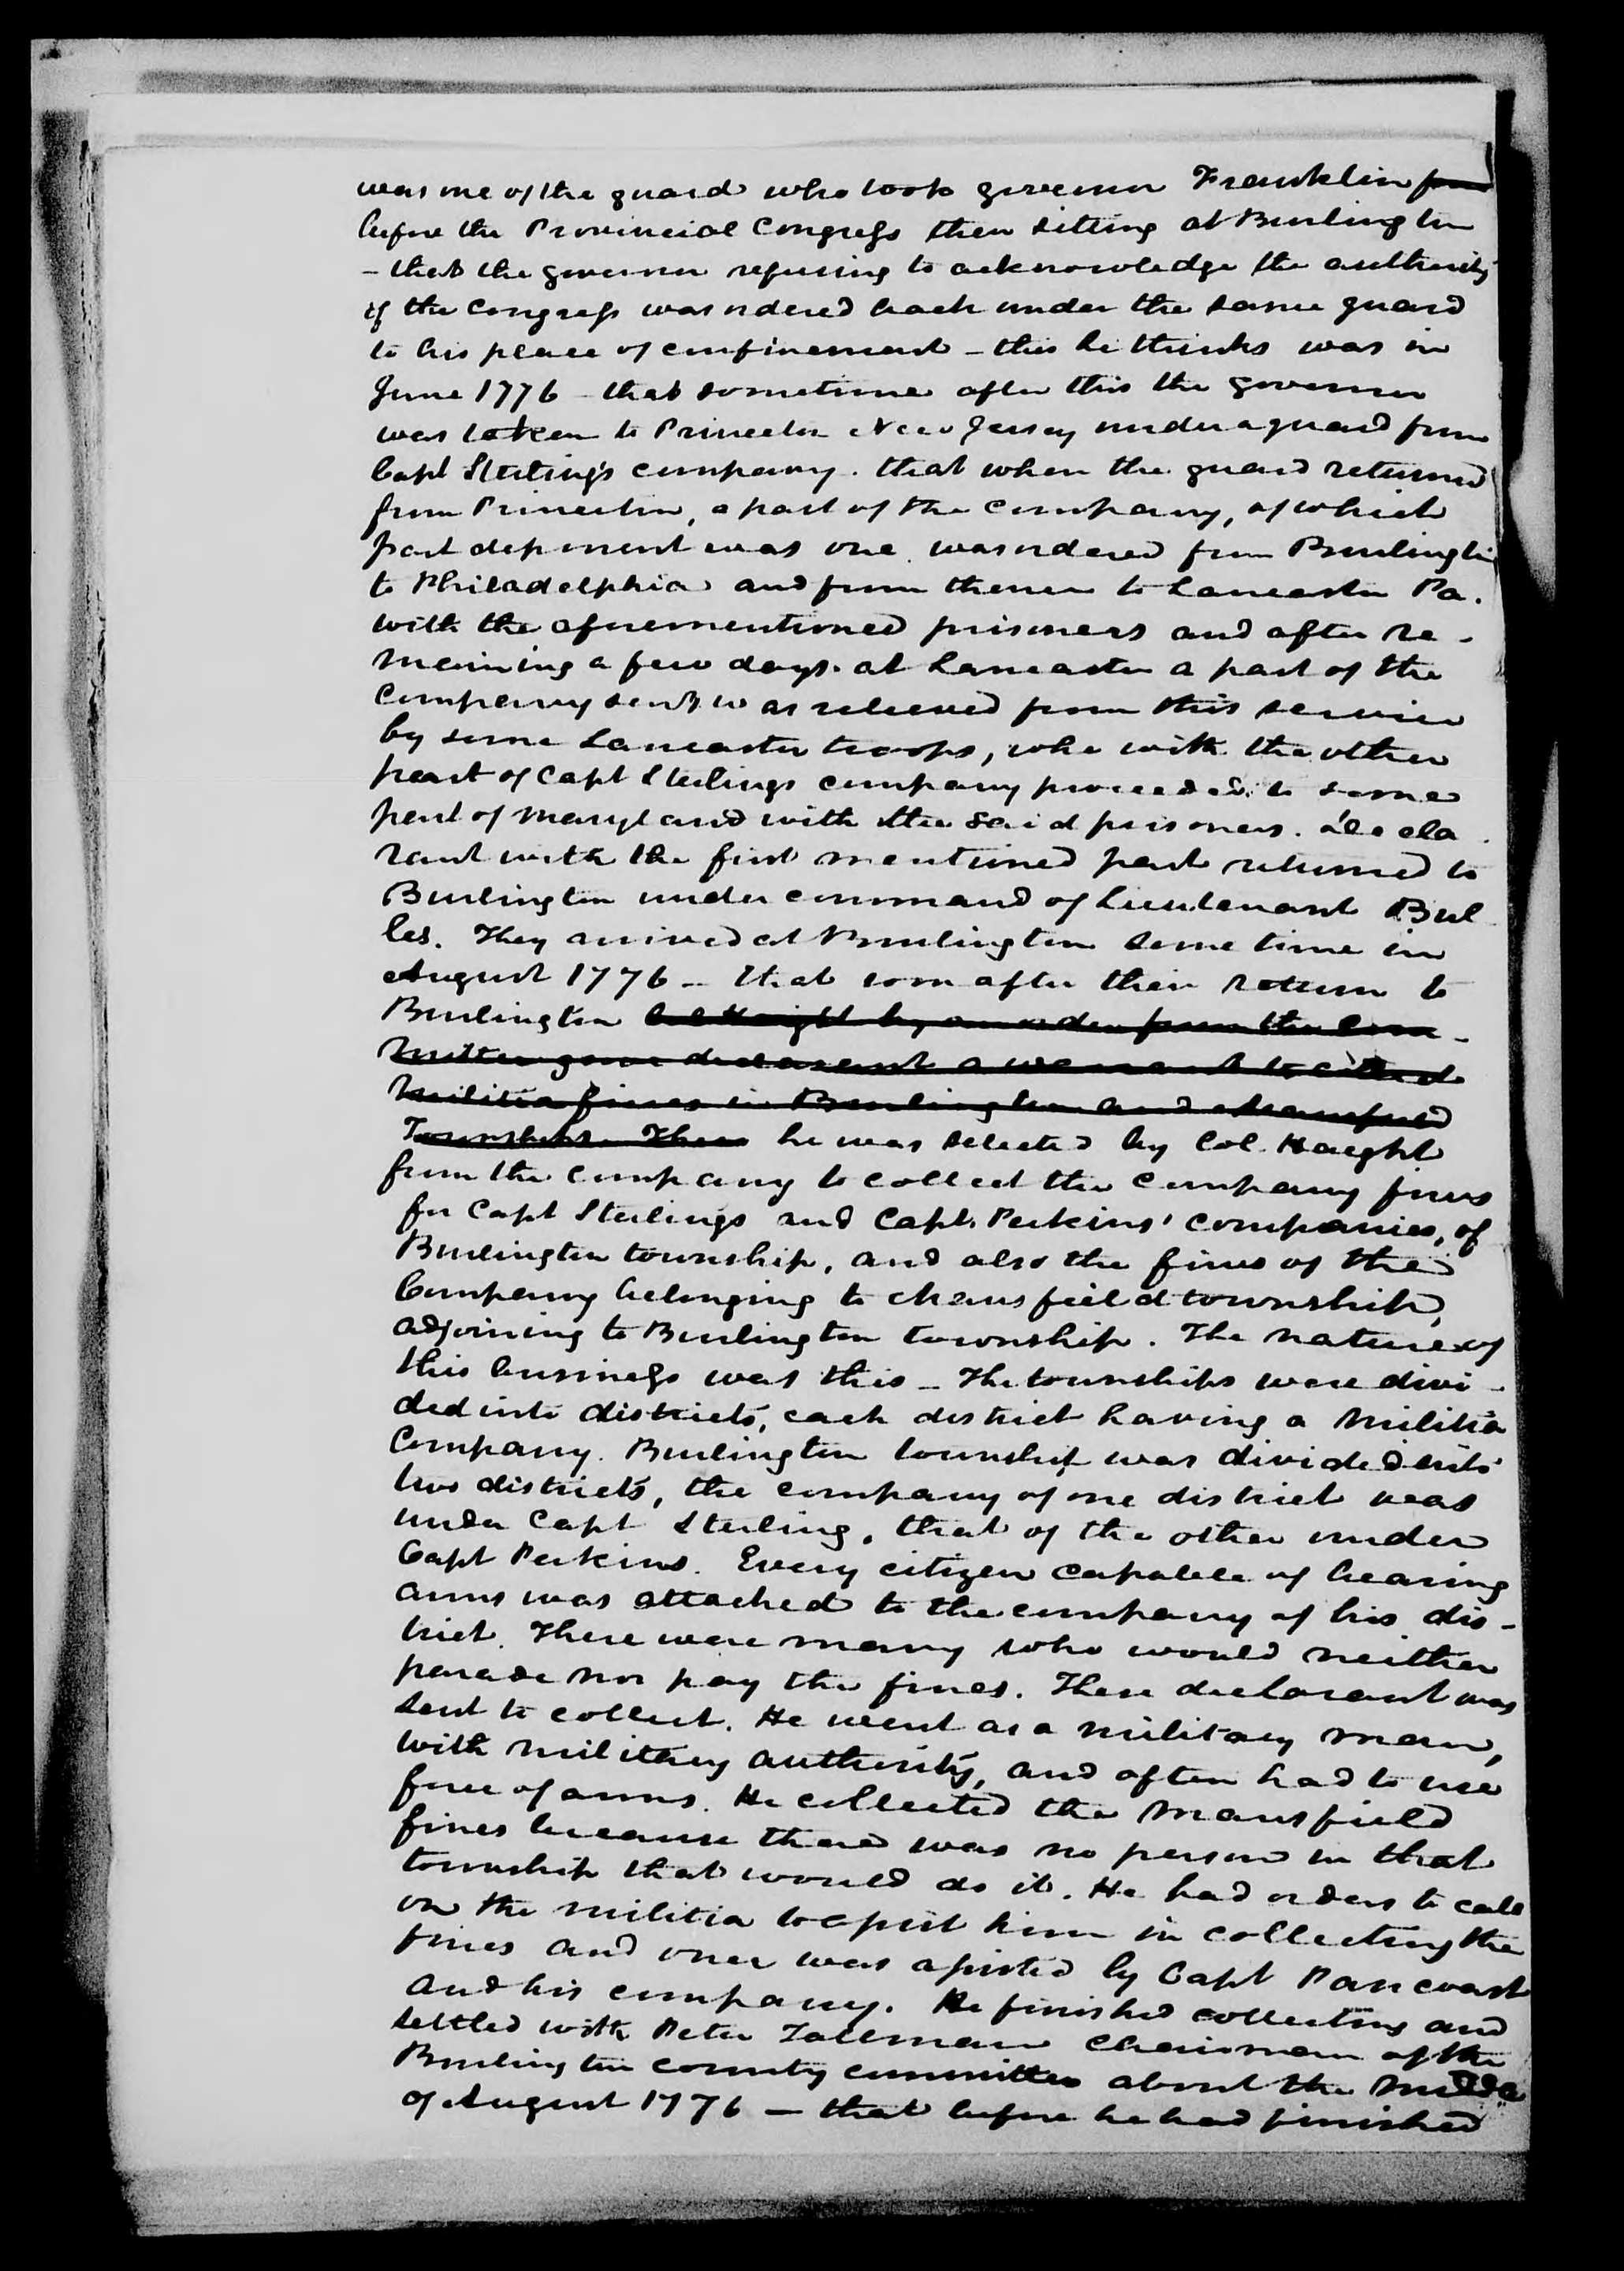was one of the guard who took Governor Franklin before the Provincial Congress then sitting at Burlington - that the Governor refusing to acknowledge the authority of the Congress was ordered back under the same guard to his place of confinement - this he thinks was in June 1776 _ that sometime after this the Governor was taken to Princeton New Jersey under a guard from Capt Sterling's company. that when the guard returned from Princeton, a part of the company, of which part deponent was one, was ordered from Burlington to Philadelphia and from thence to Lancaster Pa. with the aforementioned prisoners and after remaining a few days at Lancaster a part of the company sent was relieved from this service by some Lancaster troops, who with the other part of Capt Sterlings company proceeded to [some?] part of Maryland with the said prisoners. Declarant with the first mentioned part returned to Burlington under command of Lieutenant Bulles. They arrived at Burington some time in August 1776 _ that soon after their return to Burlington he was selected by Col. Haight from the company to collect the company fines for Capt Sterlings and Capt Perkins' companies of Burlington township, and also the fines of the Company belonging to Mansfield township adjoining to Burlington township. The nature of this busness was this _ The townships were divided into districts, each district having a Militia Company. Burlington township was divided into two districts, the company of one district was under Capt Sterling, that of the other under Capt Perkins. Every citizen capable of bearing arms was attached to the company of his district. There were many who would neither parade nor pay the fines. Then declarant was sent to collect. He went as a military man, with military authority, and often had to use force of arms. He collected the Mansfield fines because there was no person in that township that would do it. He had orders to call on the militia to assist him in collecting the fines and once was assisted by Capt Pancoast and his company. He finished collecting and settled with Peter Tallman Chairman of the Burlington County committees about the middle of August 1776 _ that before he had finished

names: Peter Tallman; [BLANK] Bulles; [BLANK] Haight; [BLANK] Perkins; [BLANK] Sterling; [BLANK] Pancoast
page: 34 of 39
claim: rejected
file: R. 6154, for James Laning, New Jersey